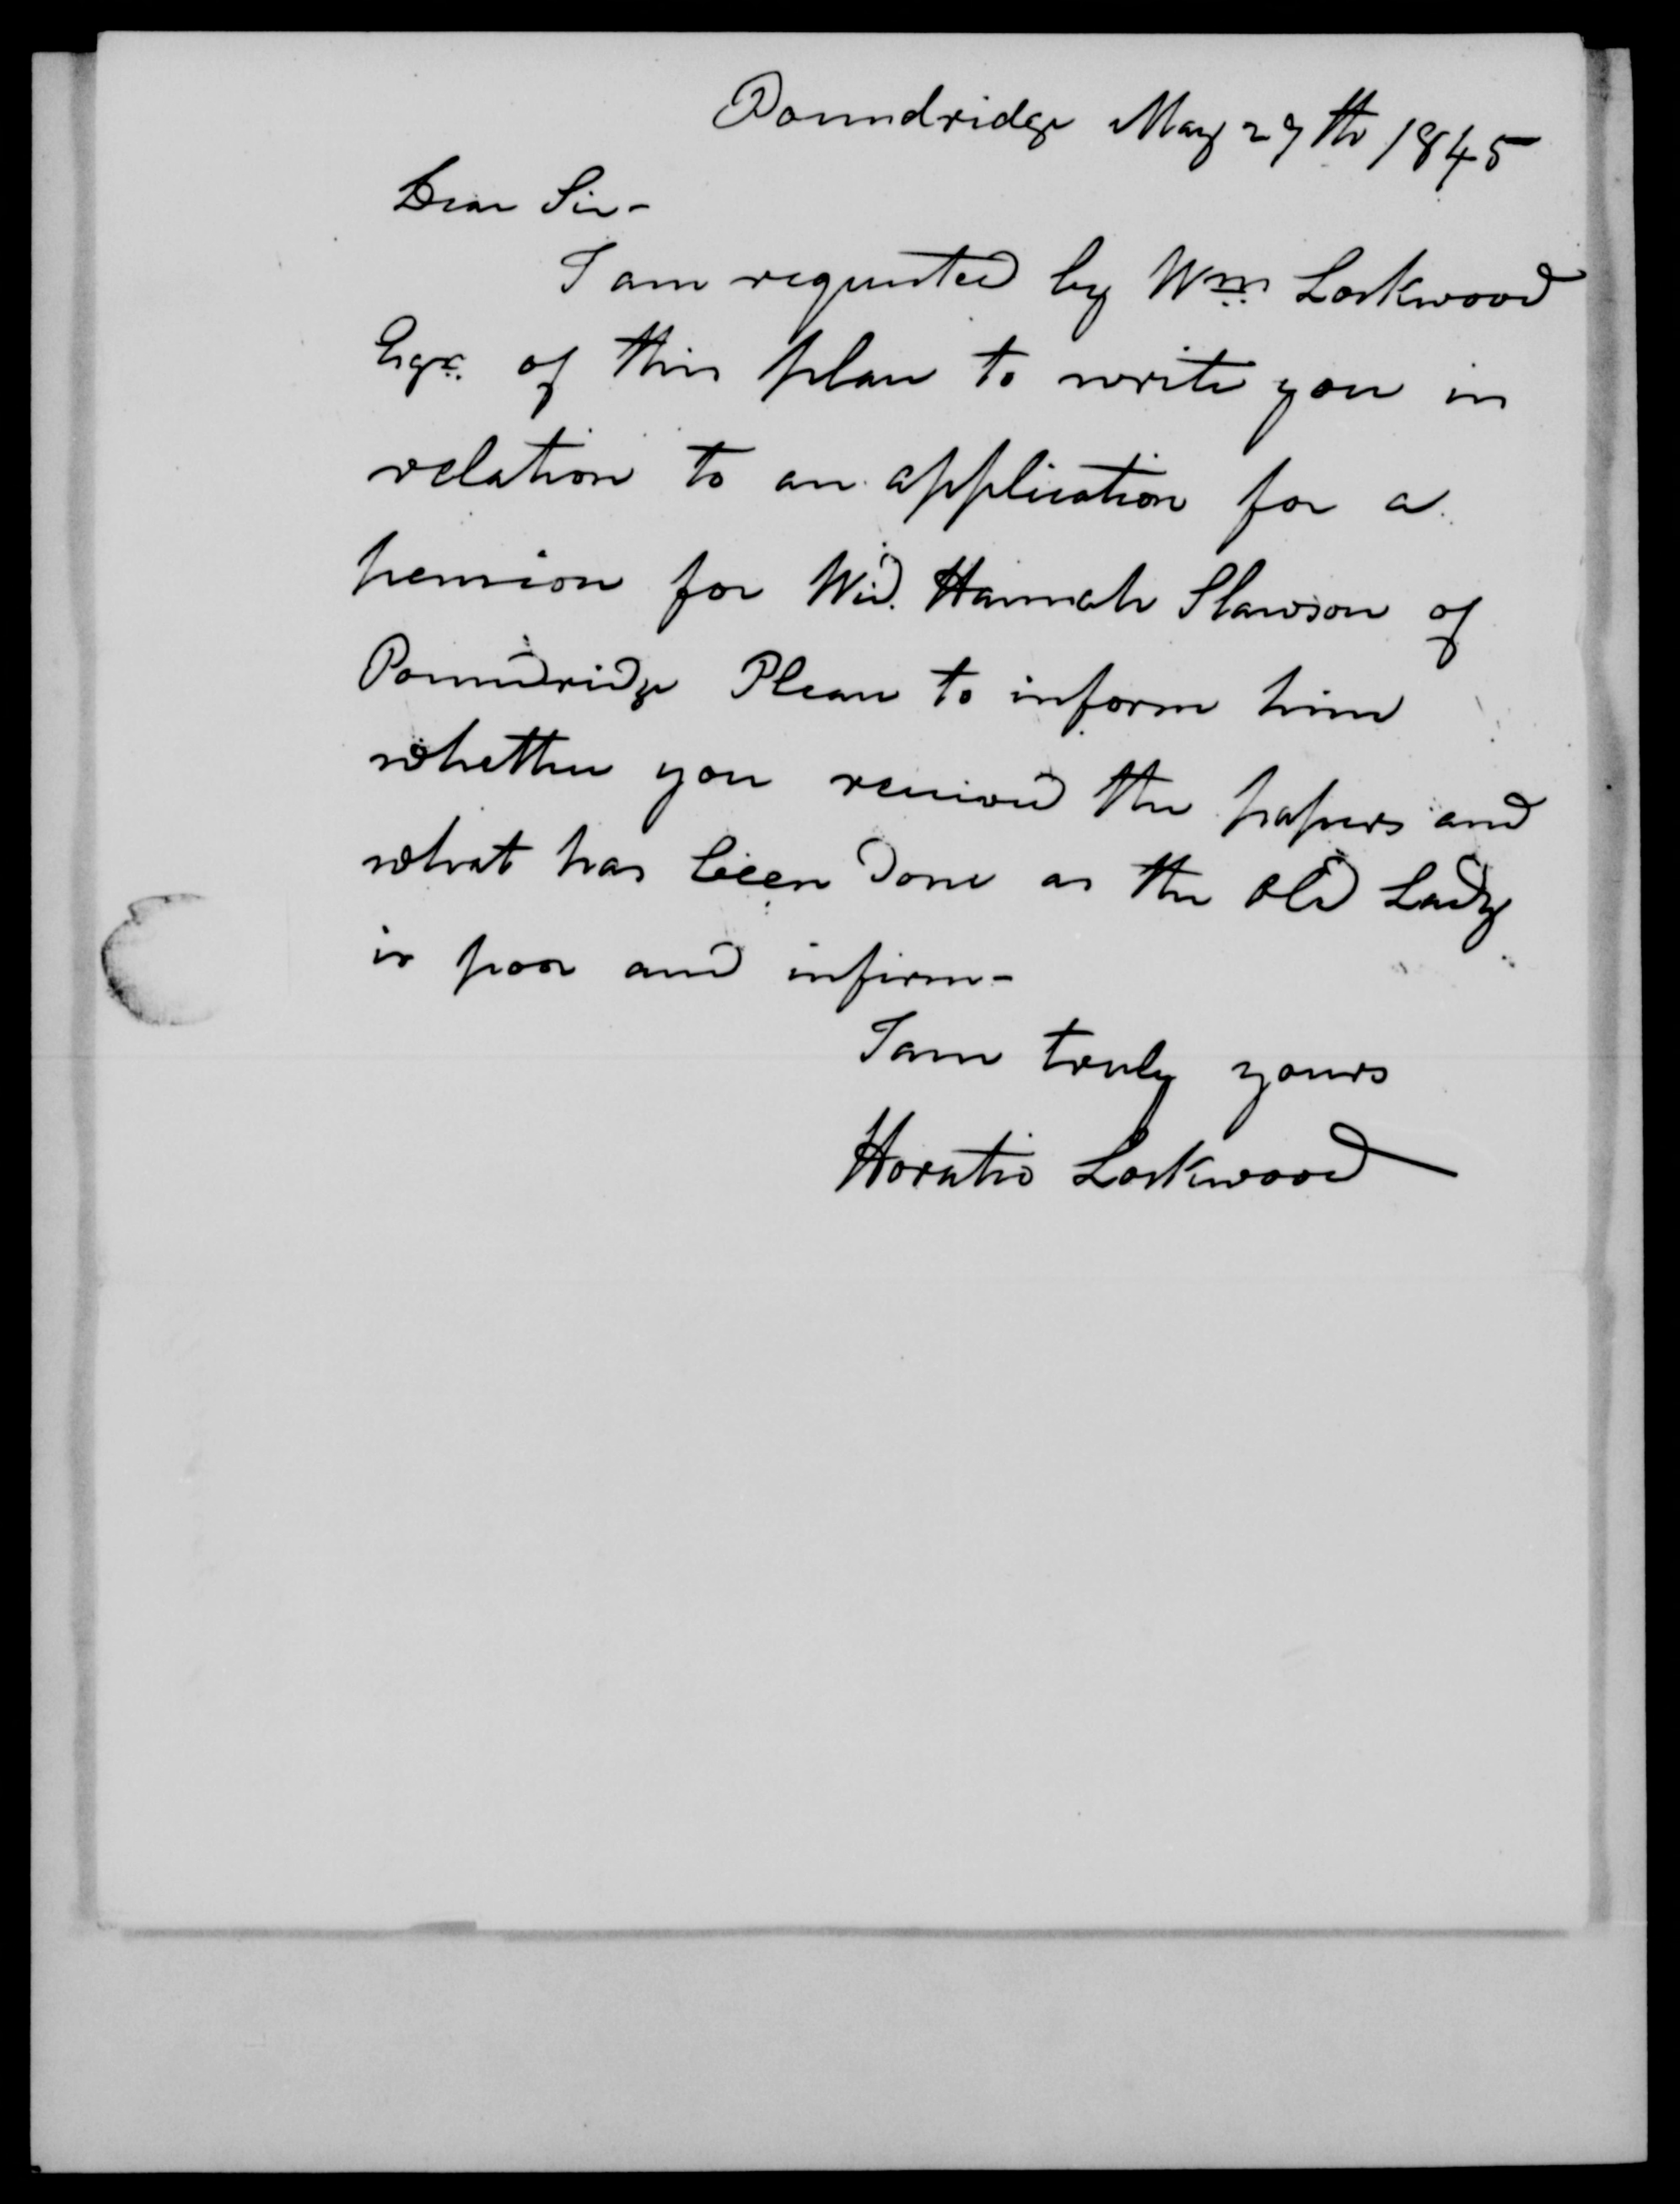Poundridge May 27th 1845 
Dear Sir
I am requested by Wm Lockwood Esqr of this place to write you in relation to an application for a pension for Widow Hannah Slawson of Poundridge Please to inform him whether you received the papers and what has been done as the old Lady is poor and infirm- - 
I am truly yours 
Horatio Lockwood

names: Horatio Lockwood; Wm Lockwood; Hannah Slawson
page: 52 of 87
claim: widow's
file: W. 22,226, for Nathan Slawson, Connecticut